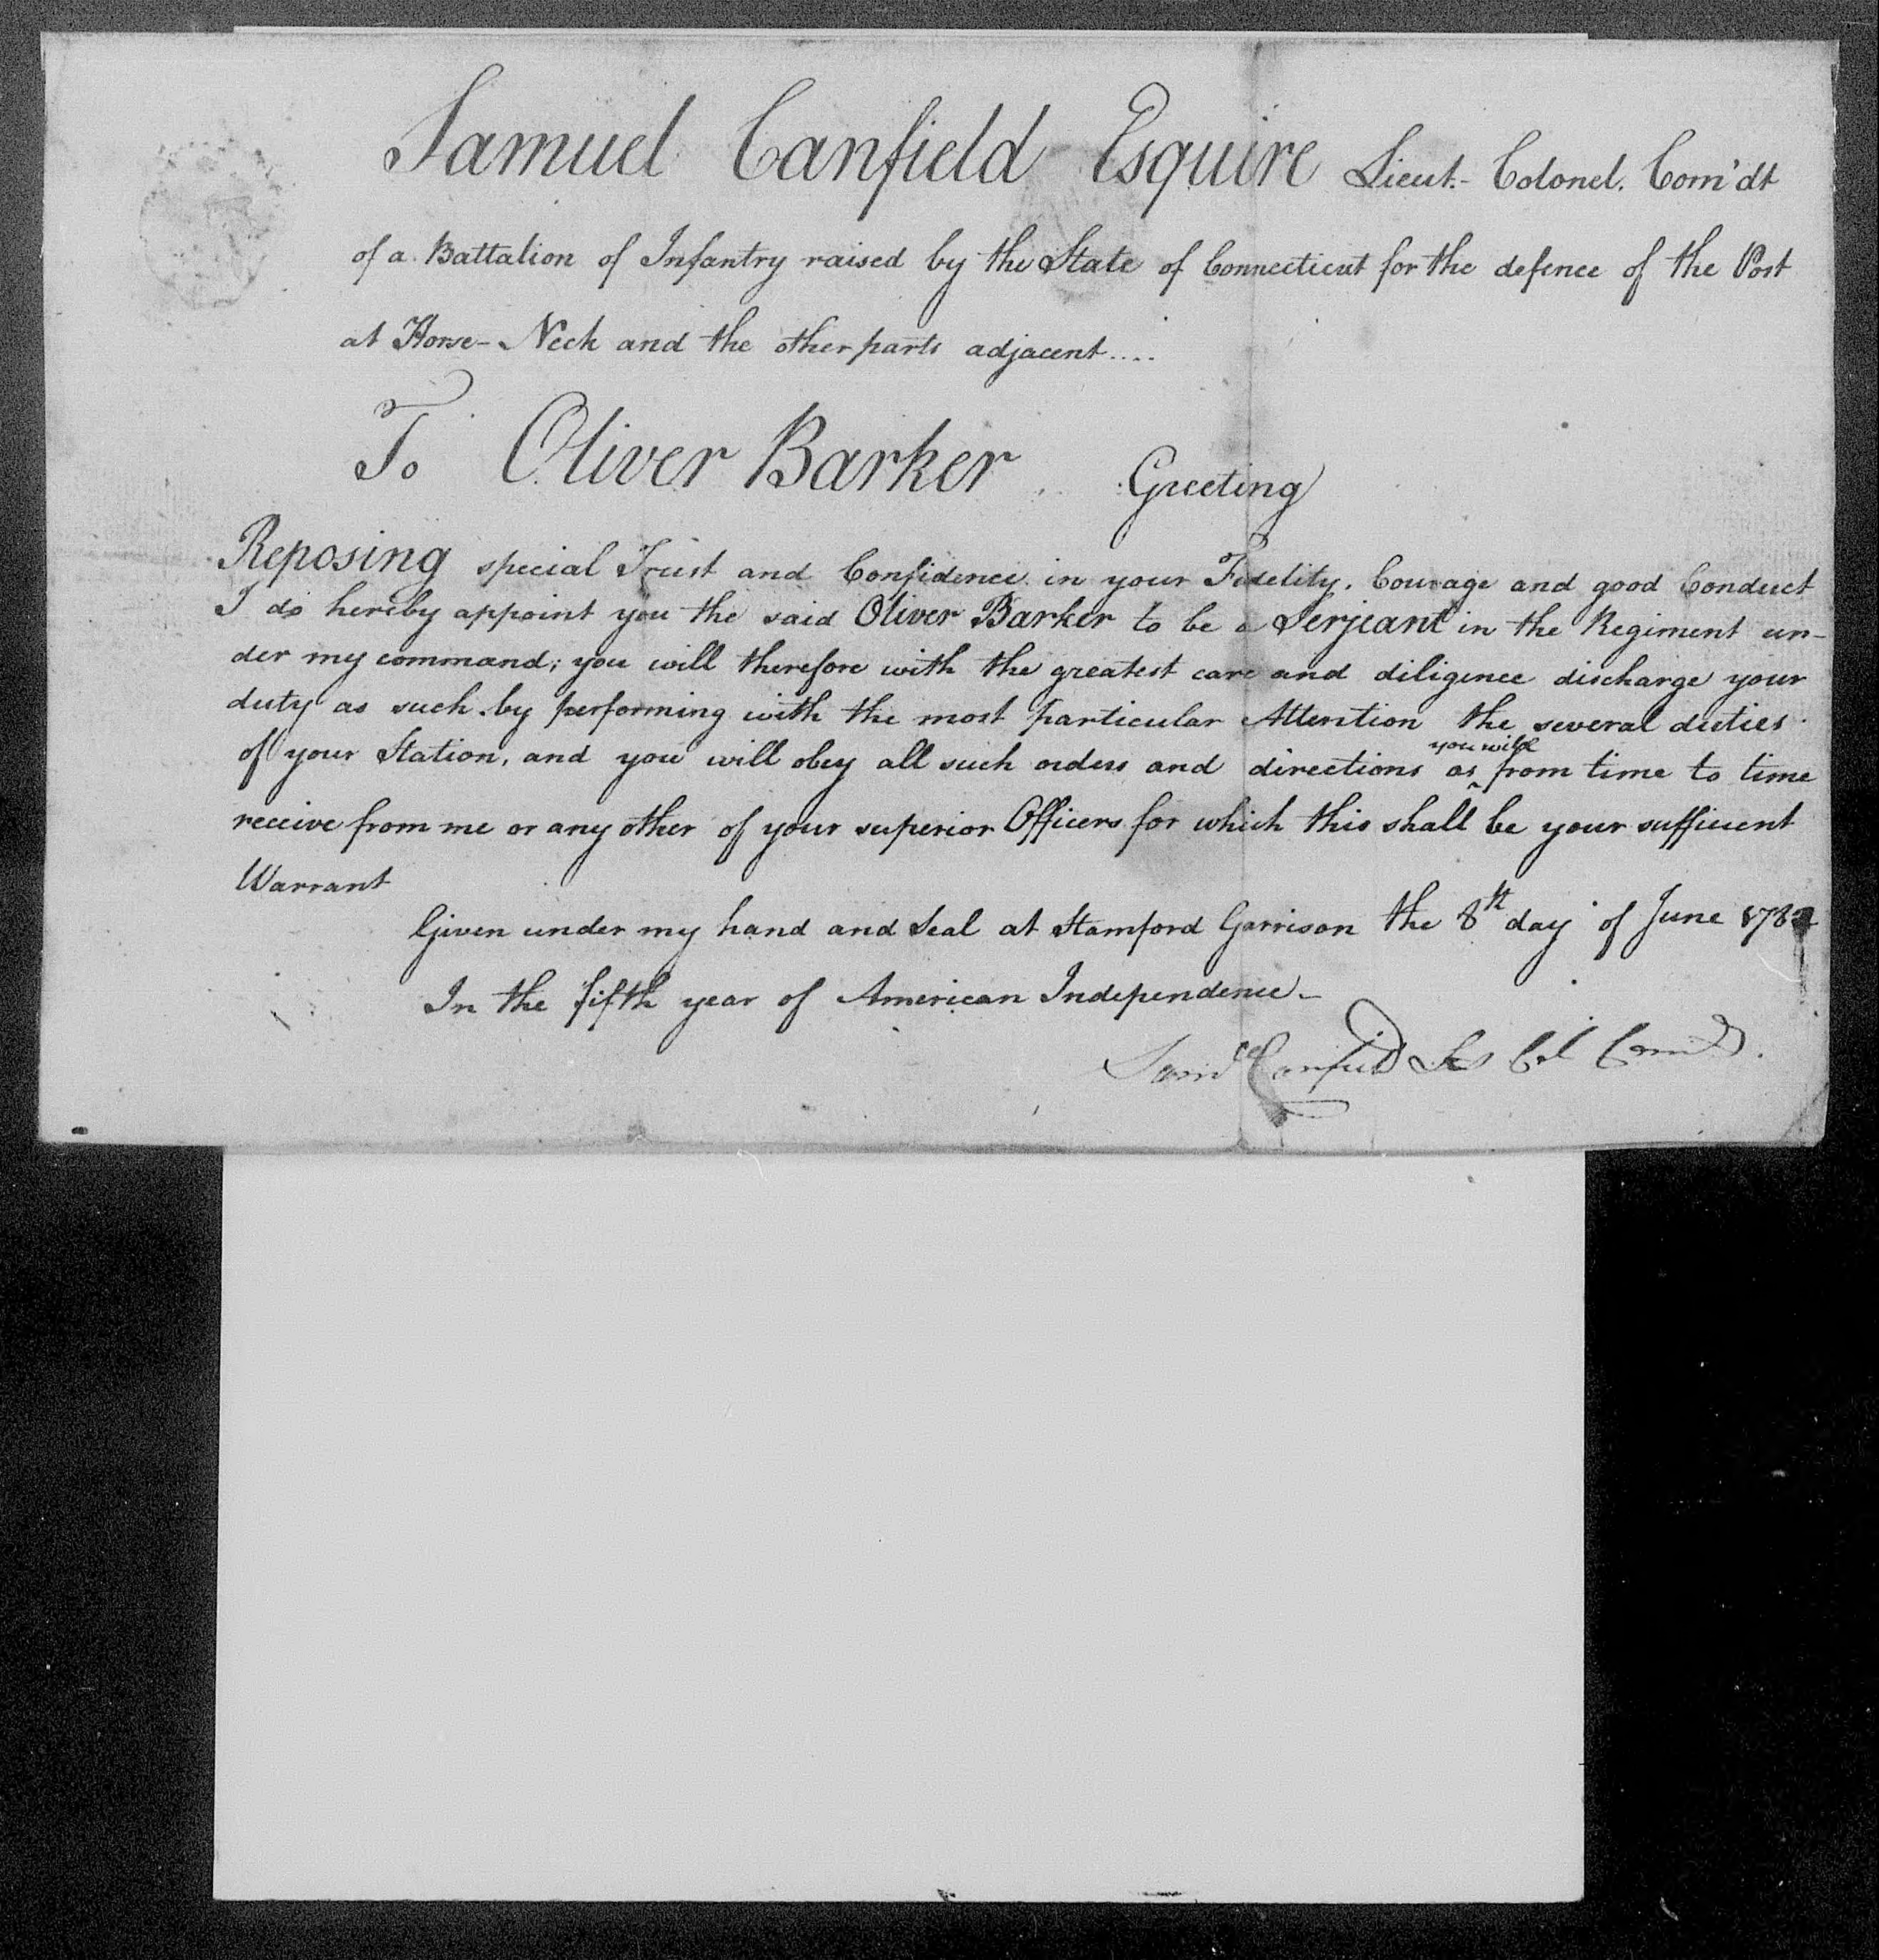Samuel Canfield Esquire Lieut. Colonel Com’dt of a Battalion of Infantry raised by the State of Connecticut for the defence of the Port at Horse Neck and the other parts adjacent…. 
To Oliver Barker Greeting 
Reposing special Trust and confidence in your Fidelity, Courage and good conduct do hereby appoint you the said Oliver Barker to be a Serjeant in the Regiment under my command; you will therefore with the greatest care and diligence discharge your duty as such by performing with the most particular attention the several duties of your Station, and you will obey all such orders and direction from time to time receive from me or any other of your superior Officers for which this shall be your sufficient Warrant 
Given under my hand and seal at Stamford Garrison the 6th day of June 1782 In the fifth year of American Independence. 
Saml Canfield Lt. Col Comdt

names: Samuel Canfield, Oliver Barker, Saml Canfield, Oliver Barker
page: 24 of 51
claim: widow's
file: W. 1698, Oliver Barker, Conn.